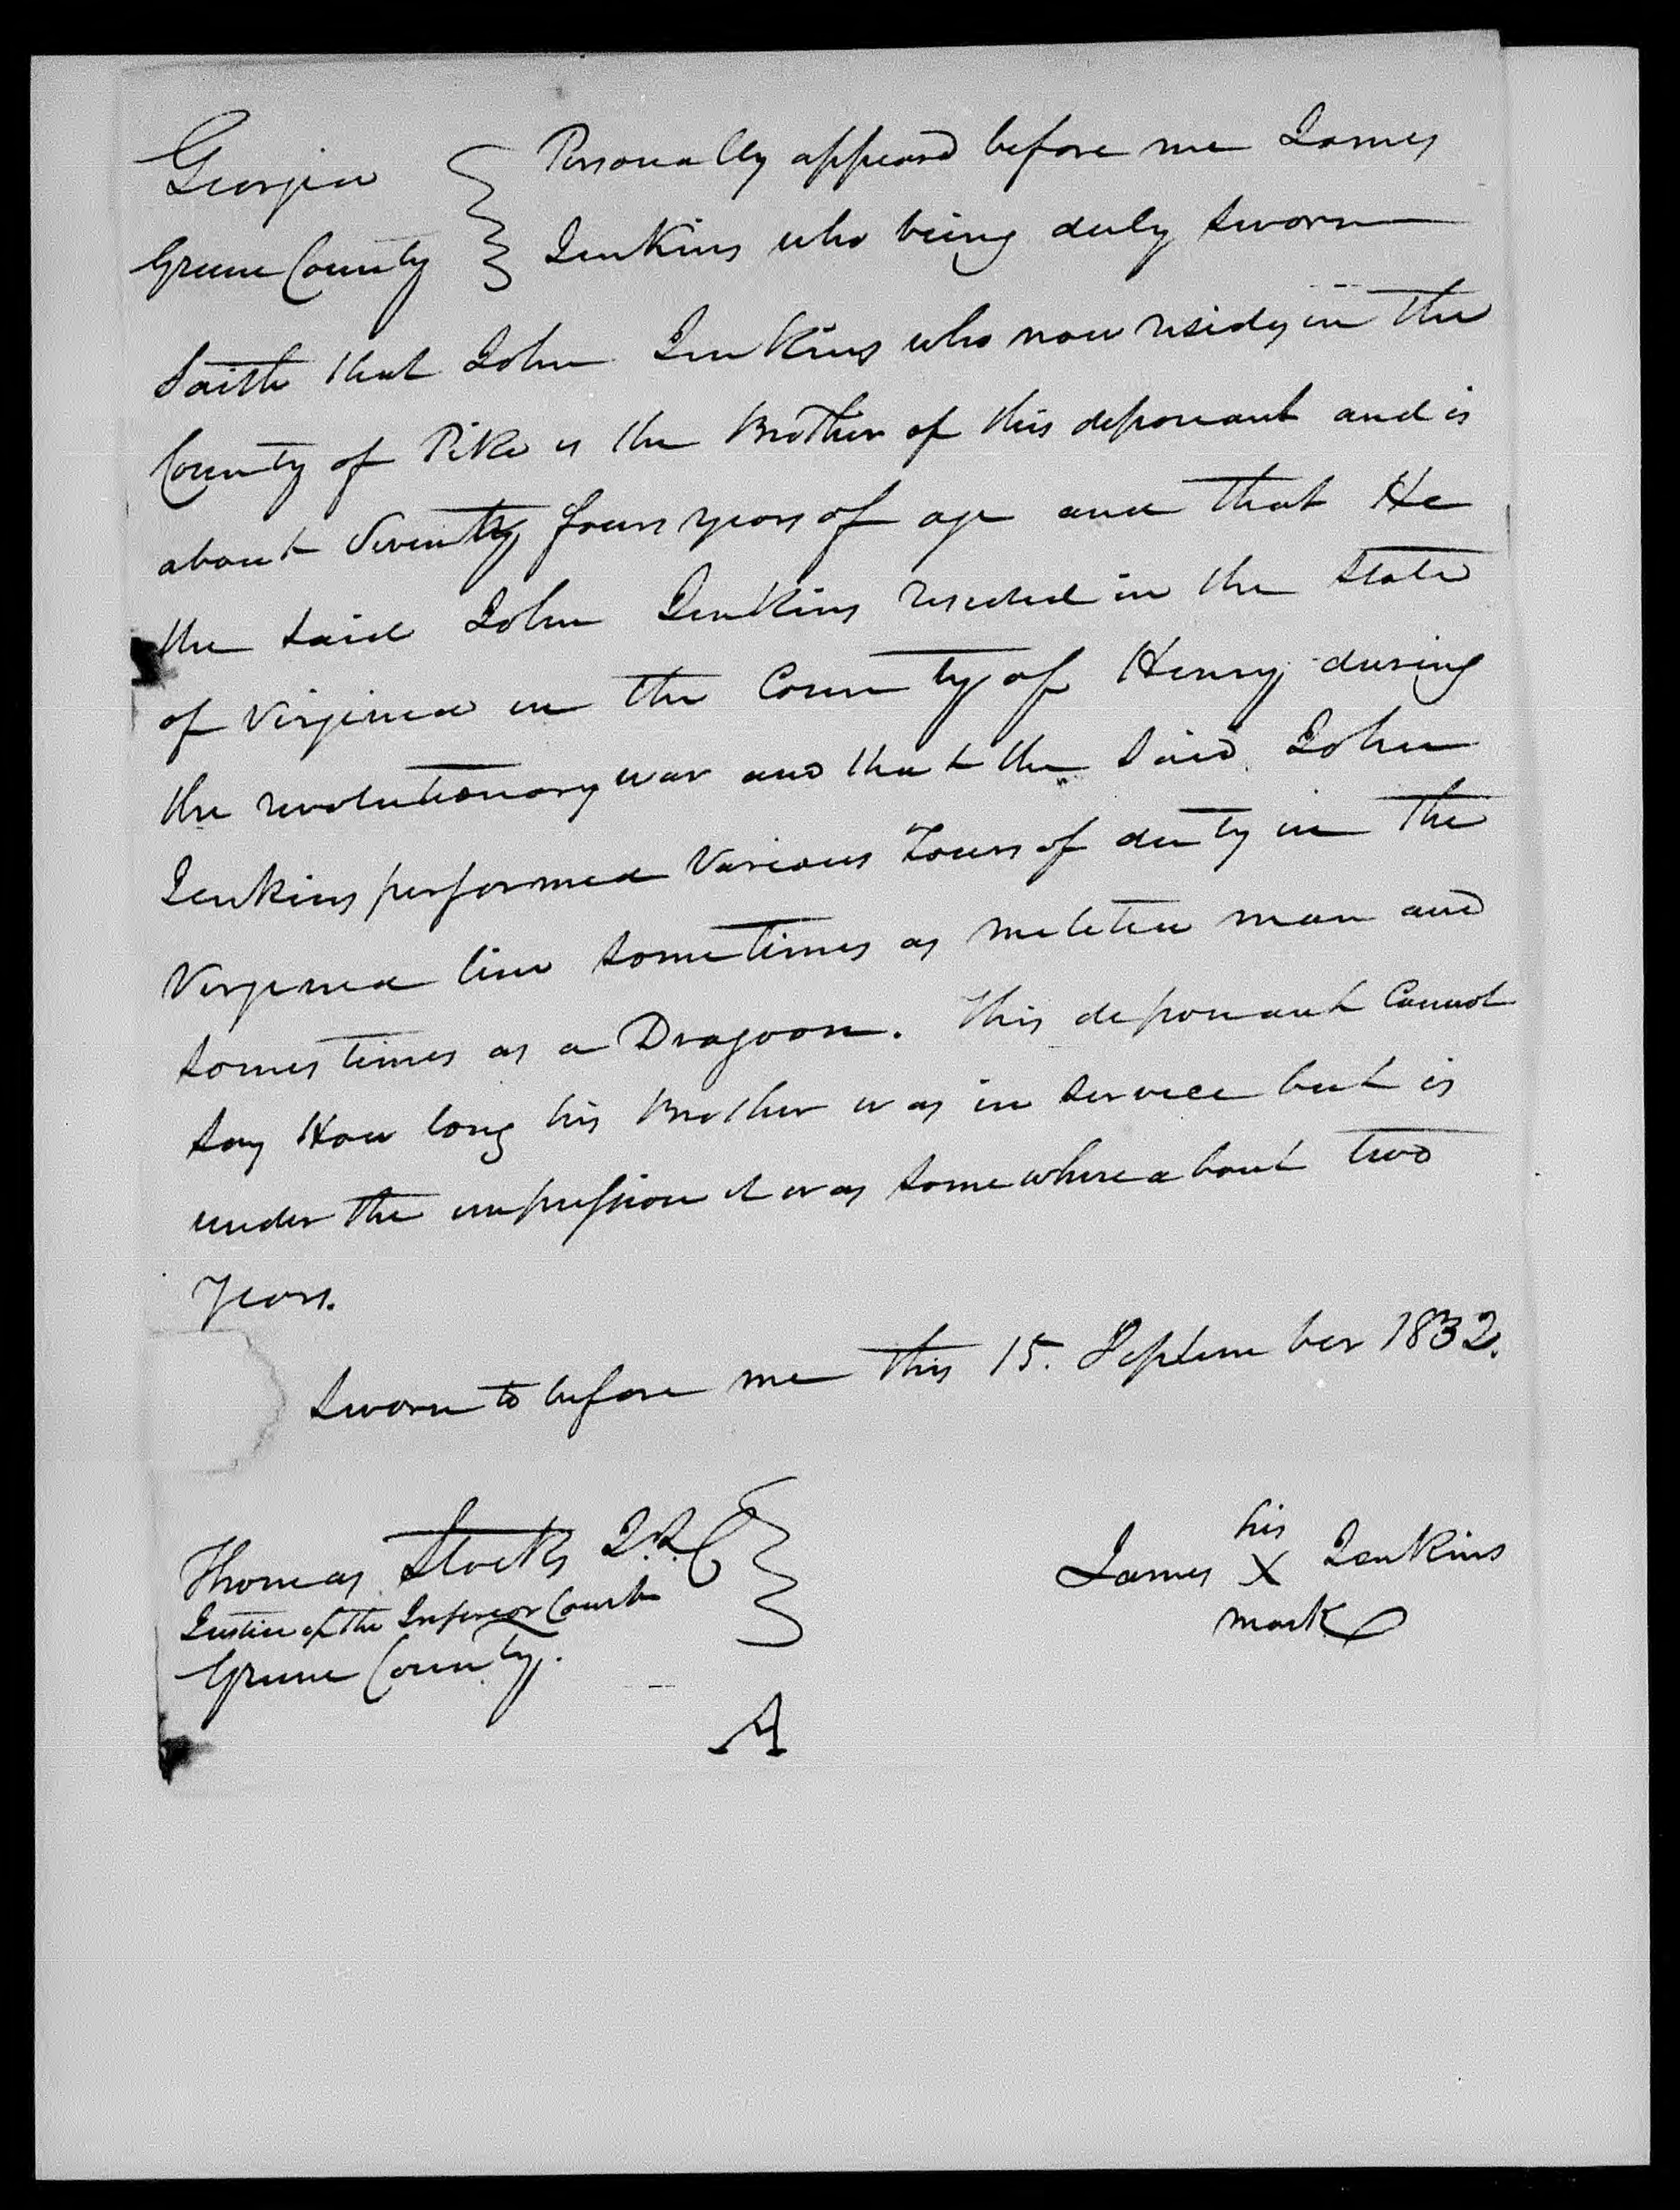Georgia 
Greene County
Personally appeared before me James Jenkins who being duly sworn saith that John Jenkins who now resides in the County of Pike is the Brother of this deponent and is about Seventy four years of age and that he the said John Jenkins resided in the State of Virginia in the County of Henry during the revolutionary war and that the said John Jenkins performed various Tours of duty in the Virginia line sometimes as militia man and some times as a Dragoon. This deponent cannot say how long his Brother was in service but is under the impression it was some where about two Years.
Sworn to before me this 15 September 1832.
James Jenkins X his mark
Thomas Stock J.I.C.
Justice of the Inferior Court
James Jenkins
Greene County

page: 27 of 55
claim: widow's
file: W. 7894, for John Jenkins, Virginia